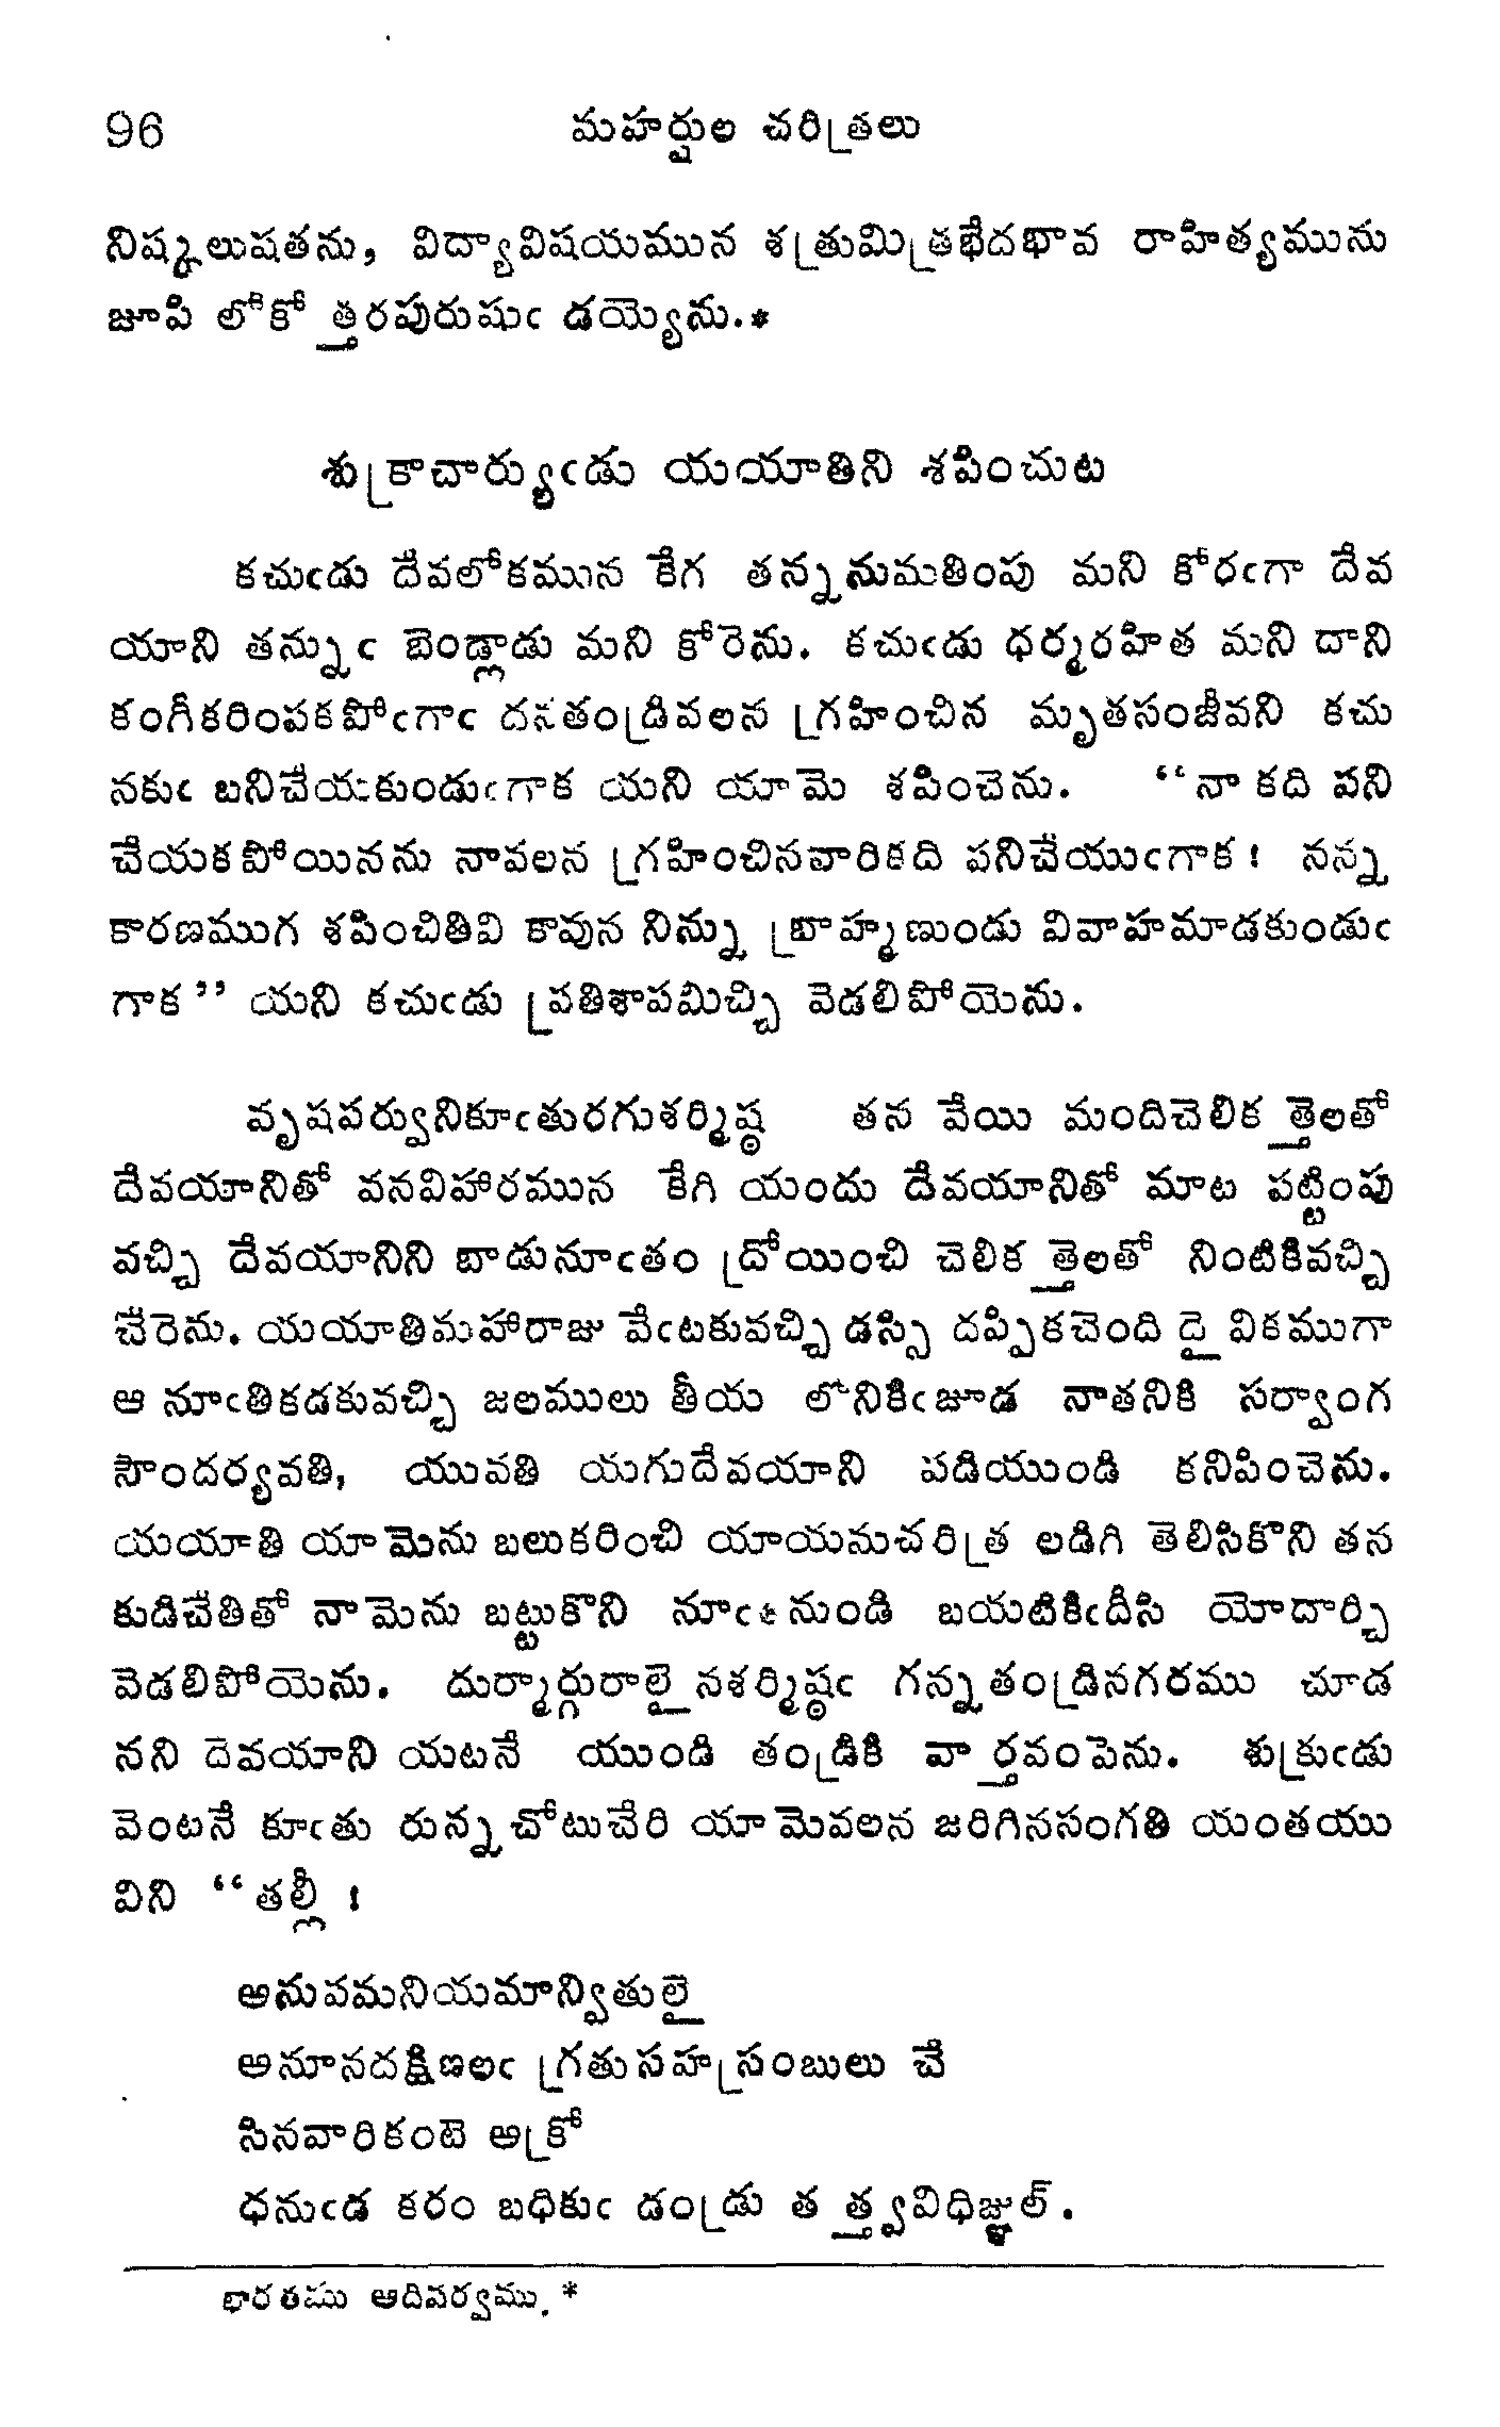నిష్కలుషతను, విద్యావిషయమున శత్రుమిత్రభేదభావ రాహిత్యమును జూపి లోకోత్తరపురుషుఁ డయ్యెను.*

శుక్రాచార్యుఁడు యయాతిని శపించుట 

కచుఁడు దేవలోకమున కేగ తన్ననుమతింపు మని కోరఁగా దేవయాని తన్నుఁ బెండ్లాడు మని కోరెను. కచుఁడు ధర్మరహీత మని దాని గంగీకరింపకపోఁగాఁ దనతండ్రివలన గ్రహించిన మృతసంజీవని కచునకుఁ బనిచేయకుండుఁ గాక యని యామె శపించెను. “నా కది పని చేయక పోయినను నావలన గ్రహించినవారికది పనిచేయుఁగాక ! నన్న కారణముగ శపించితివి కావున నిన్ను బ్రాహ్మణుండు వివాహమాడకుండుఁ గాక ” యని కచుఁడు ప్రతిశాపమిచ్చి వెడలిపోయెను.

వృషపర్వునికూఁతురగుశర్మిష్ఠ తన వేయి మందిచెలికత్తెలతో దేవయానితో వనవిహారమున కేగి యందు దేవయానితో మాట పట్టింపు వచ్చి దేవయానిని బాడునూఁతం ద్రోయించి చెలికత్తెలతో నింటికి వచ్చి చేరెను. యయాతిమహారాజు వేఁటకువచ్చి డస్సి దప్పికచెంది దైవికముగా ఆ నూఁతికడకువచ్చి జలములు తీయ లోనికిఁ జూడ నాతనికి సర్వాంగ సౌందర్యవతి, యువతి యగు దేవయాని పడియుండి కనిపించెను. యయాతి యామెను బలుకరించి యాయమచరిత్ర లడిగి తెలిసికొని తన కుడిచేతితో నామెను బట్టుకొని నూఁతినుండి బయటికిఁదీసి యోదార్చి వేడలిపోయెను. దుర్మార్గురాలై నశర్మిష్ఠఁ గన్న తండ్రినగరము చూడ నని దేవయాని యటనే యుండి తండ్రికి వార్తవం పెను. శుక్రుఁడు వెంటనే కూఁతు రున్న చోటుచేరి యామెవలన జరిగినసంగతి యంతయు విని "తల్లీ !

అనుపమనియమాన్వితులై 
అనూనదక్షిణలఁ గ్రతు సహస్రంబులు చే 
సినవారికంటె అక్రో 
ధనుఁడ కరం బధికుఁ డండ్రు తత్త్వవిధిజ్ఞుల్ .